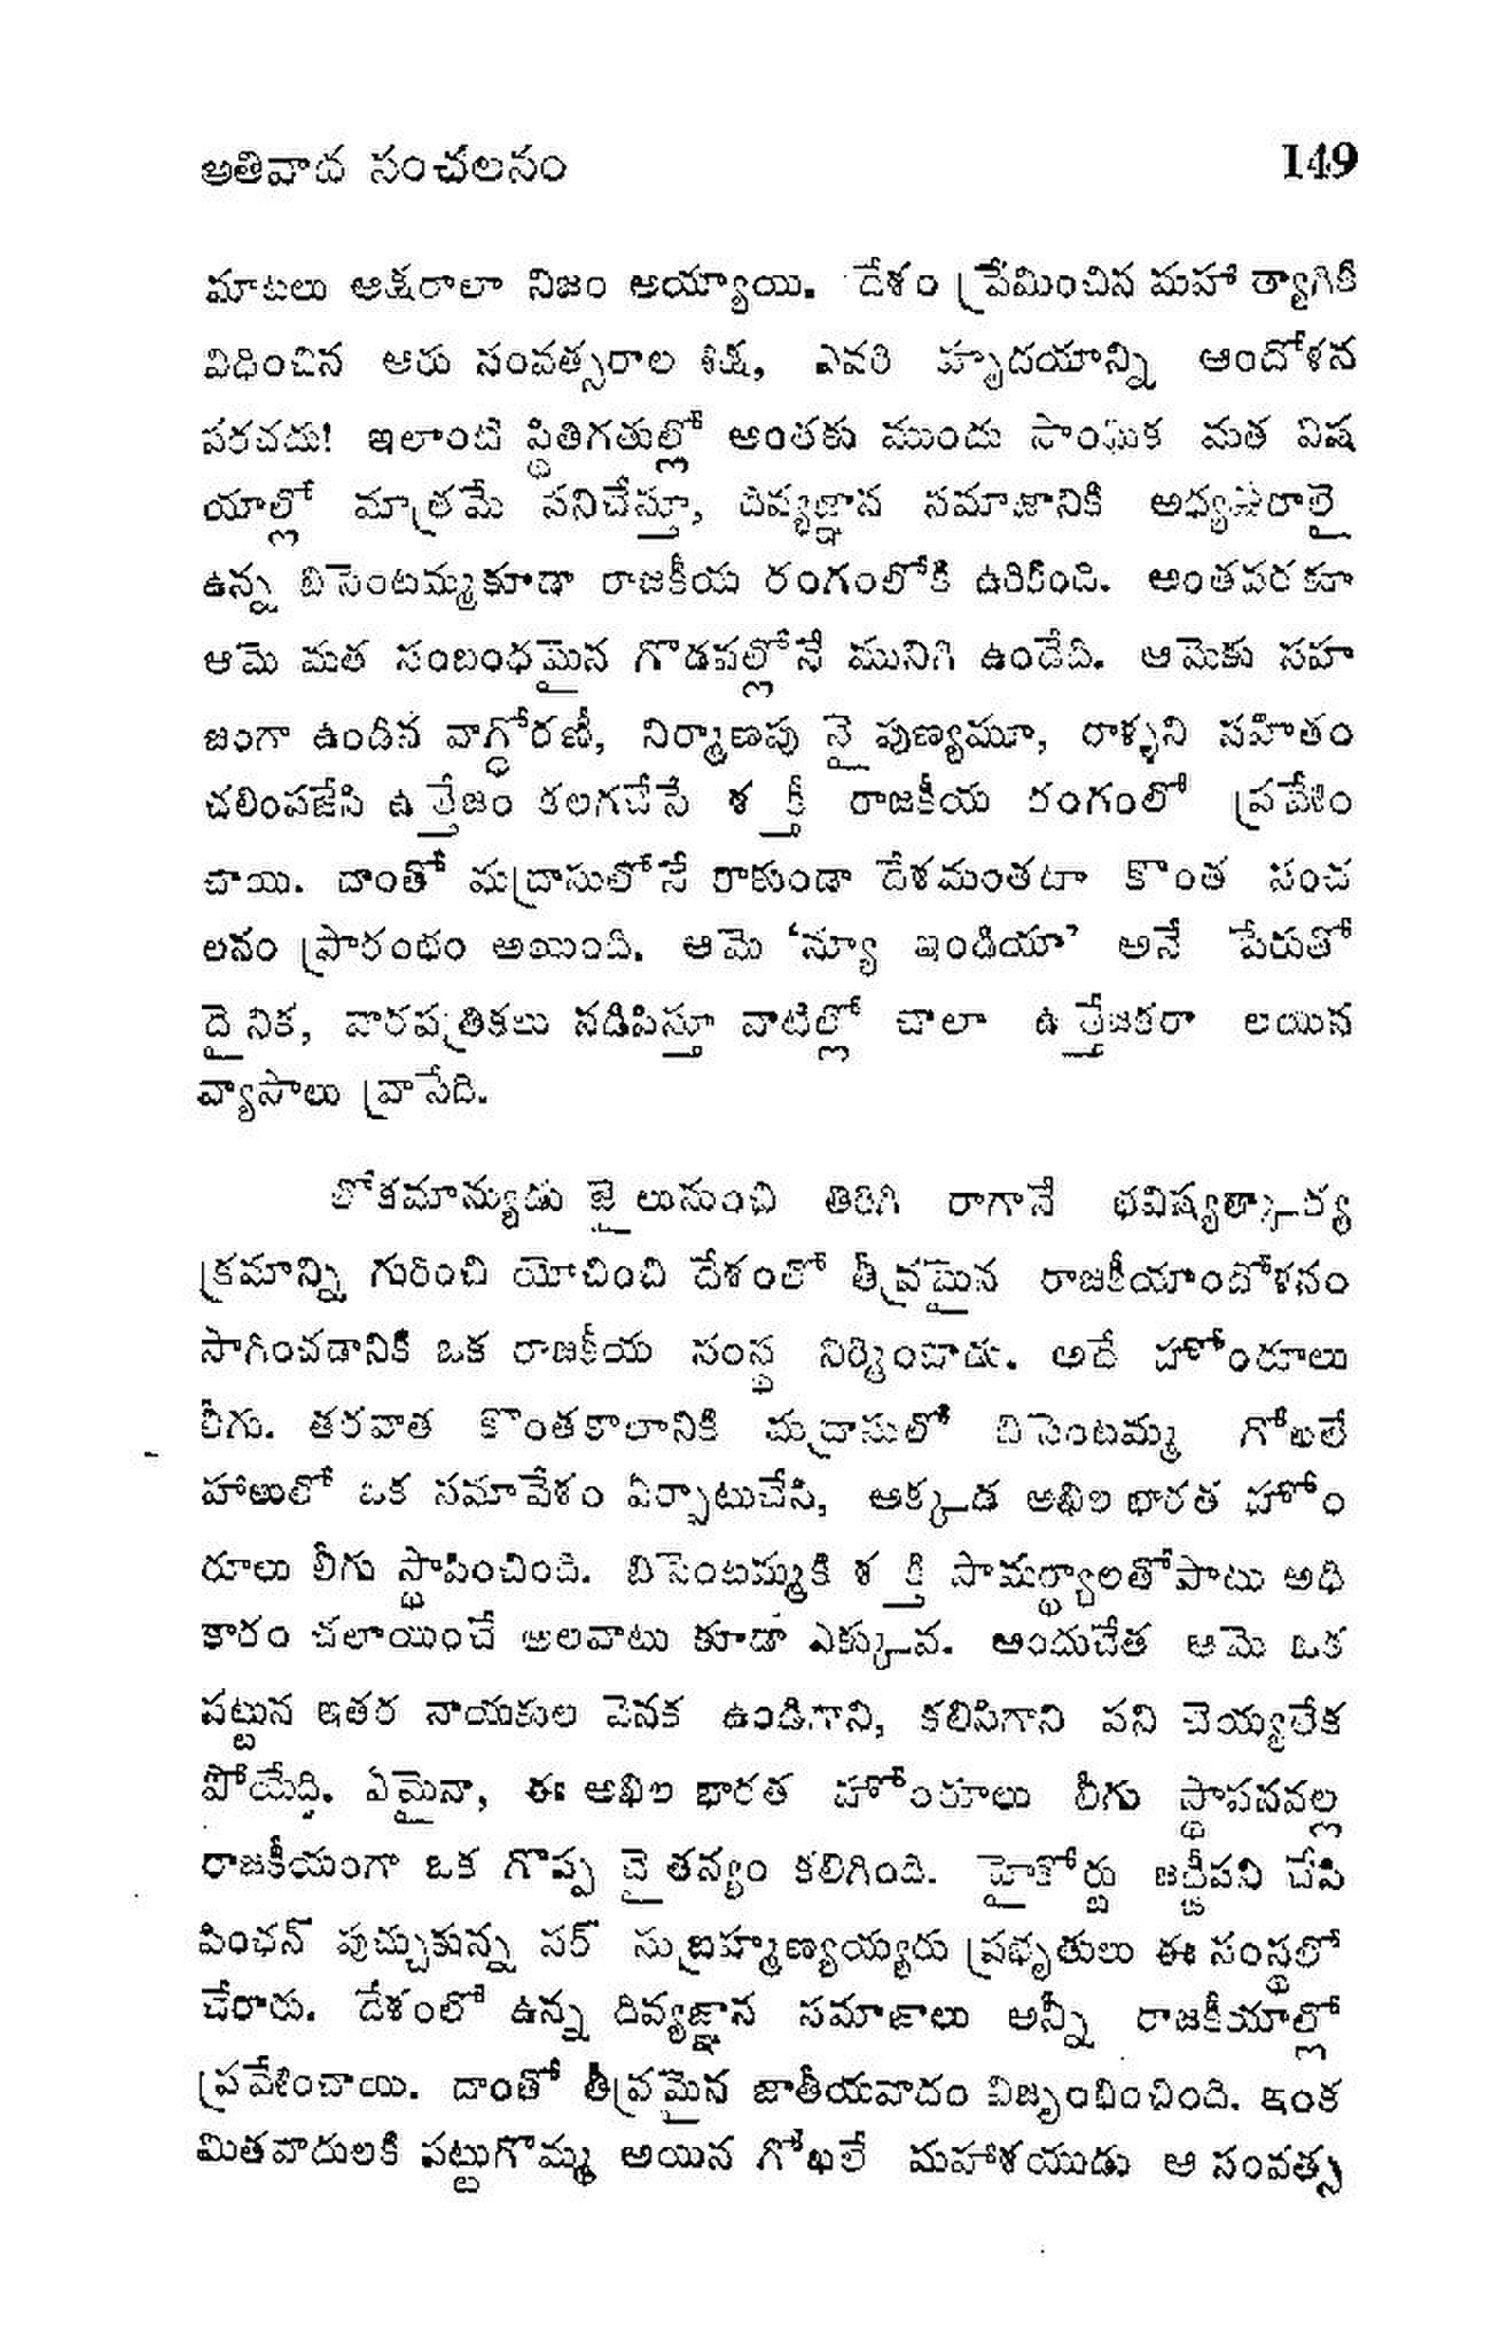మాటలు అక్షరాలా నిజం అయ్యాయి. దేశం ప్రేమించిన మహాత్యాగికి విధించన ఆరు సంవత్సరాల శిక్ష, ఎవరి హృదయాన్ని ఆందోళన పరచదు! ఇలాంటి స్థితిగతుల్లో అంతకు ముందు సాంఘిక మత విషయాల్లో మాత్రమే పనిచేస్తూ, దివ్యజ్ఞాన సమాజానికి అధ్యక్షురాలై ఉన్న బిసెంటమ్మకూడా రాజకీయ రంగంలోకి ఉరికింది. అంతవరకూ ఆమె మత సంబంధమైన గొడవల్లోనే మునిగి ఉండేది. ఆమెకు సహజంగా ఉండిన వాగ్ధోరణీ, నిర్మాణపు నైపుణ్యమూ, రాళ్ళని సహితం చలింపజేసి ఉత్తేజం కలగచేసే శక్తీ రాజకీయ రంగంలో ప్రవేశించాయి. దాంతో మద్రాసులోనే కాకుండా దేశమంతటా కొంత సంచలనం ప్రారంభం అయింది. ఆమె 'న్యూ ఇండియా' అనే పేరుతో దైనిక, వారపత్రికలు నడిపిస్తూ వాటిల్లో చాలా ఉత్తేజకరా లయిన వ్యాసాలు వ్రాసేది.

లోకమాన్యుడు జైలునుంచి తిరిగి రాగానే భవిష్యత్కార్య క్రమాన్ని గురించి యోచించి దేశంలో తీవ్రమైన రాజకీయాందోళనం సాగించడానికి ఒక రాజకీయ సంస్థ నిర్మించాడు. అదే హోంరూలు లీగు. తరవాత కొంతకాలానికి మద్రాసులో బిసెంటమ్మ గోఖలే హాలులో ఒక సమావేశం ఏర్పాటుచేసి, అక్కడ అఖిల భారత హోంరూలు లీగు స్థాపించింది. బిసెంటమ్మకి శక్తి సామర్థ్యాలతోపాటు అధికారం చలాయించే అలవాటు కూడా ఎక్కువ. అందుచేత ఆమె ఒక పట్టున ఇతర నాయకుల వెనక ఉండిగాని, కలిసిగాని పని చెయ్యలేక పోయేది. ఏమైనా, ఈ అఖిల భారత హోంరూలు లీగు స్థాపనవల్ల రాజకీయంగా ఒక గొప్ప చైతన్యం కలిగింది. హైకోర్టు జడ్జీపని చేసి పింఛన్ పుచ్చుకున్న సర్ సుబ్రహ్మణ్యయ్యరు ప్రభృతులు ఈ సంస్థలో చేరారు. దేశంలో ఉన్న దివ్యజ్ఞాన సమాజాలు అన్నీ రాజకీయాల్లో ప్రవేశించాయి. దాంతో తీవ్రమైన జాతీయవాదం విజృంభించింది. ఇంక మితవాదులకి పట్టుగొమ్మ అయిన గోఖలే మహాశయుడు అ సంవత్స